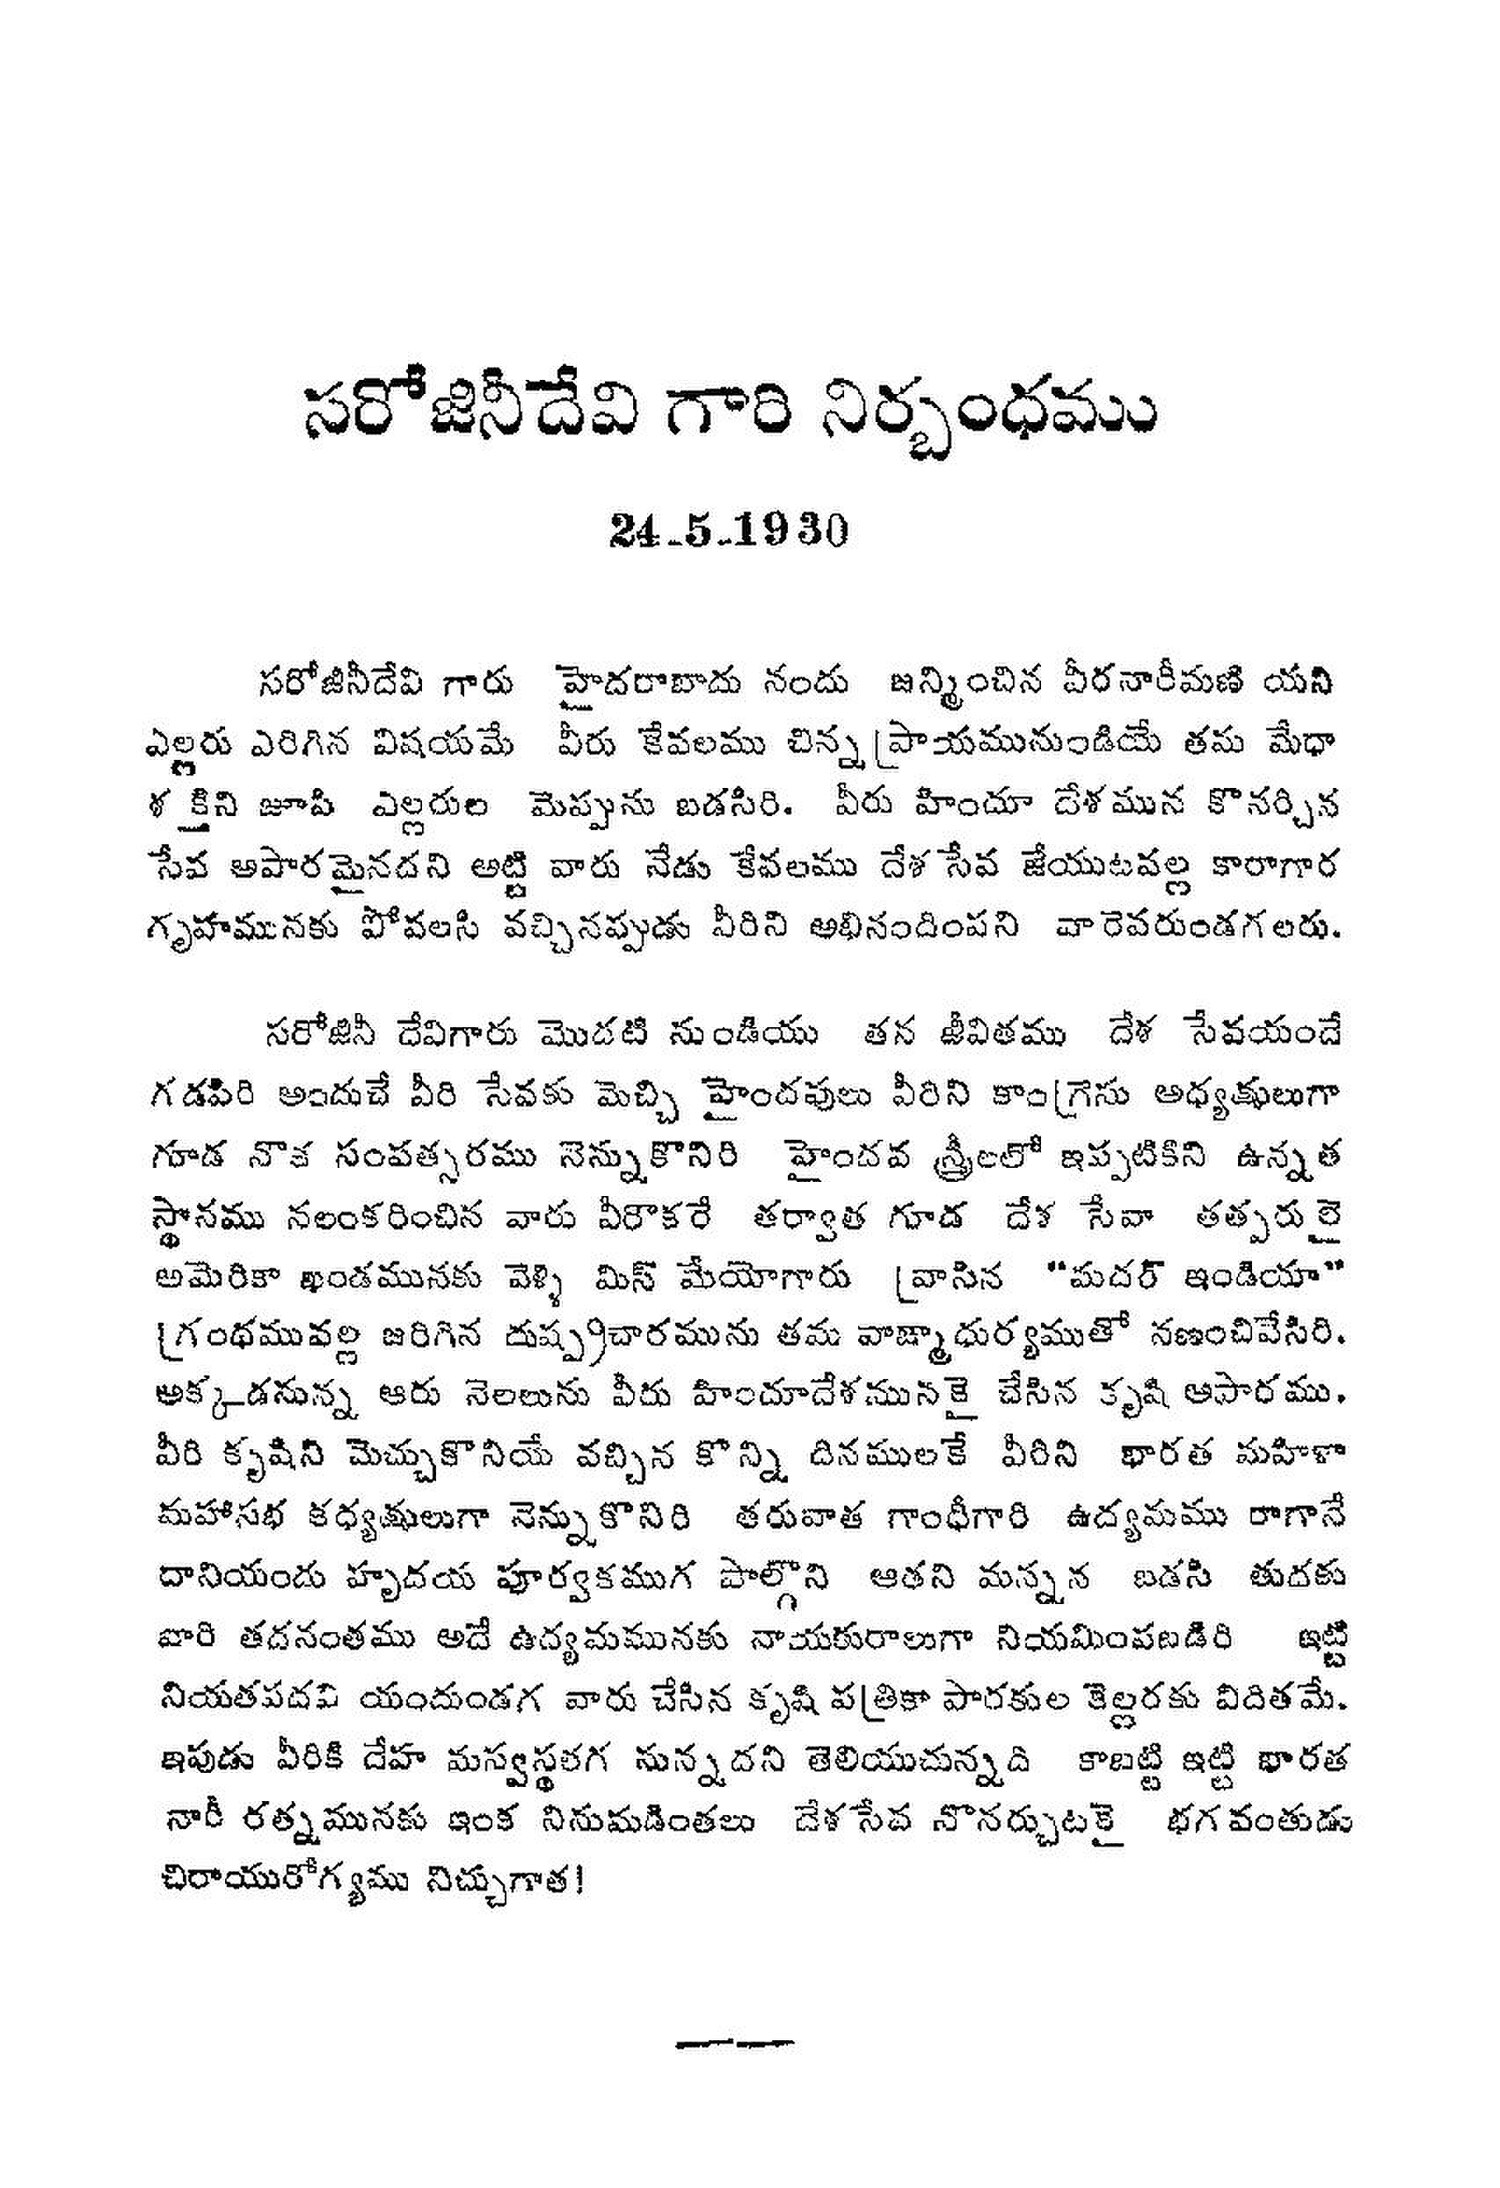సరోజినీదేవి గారి నిర్బంధము

24-5-1930

సరోజినీదేవి గారు హైదరాబాదు నందు జన్మించిన వీరనారీమణి యని ఎల్లరు ఎరిగిన విషయమే వీరు కేవలము చిన్న ప్రాయమునుండియే తమ మేధాశక్తిని జూపి ఎల్లరుల మెప్పును బడసిరి. వీరు హిందూ దేశమున కొనర్చిన సేవ అపారమైనదని అట్టి వారు నేడు కేవలము దేశ సేవ జేయుటవల్ల కారాగార గృహమునకు పోవలసి వచ్చినప్పుడు వీరిని అభినందింపని వారెవరుండగలరు.

సరోజినీ దేవిగారు మొదటి నుండియు తన జీవితము దేశ సేవయందే గడపిరి అందుచే వీరి సేవకు మెచ్చి హైందవులు వీరిని కాంగ్రెసు అధ్యక్షులుగా గూడ నొక సంవత్సరము నెన్నుకొనిరి హైందవ స్త్రీలలో ఇప్పటికిని ఉన్నత
స్థానము నలంకరించిన వారు వీరొకరే తర్వాత గూడ దేశ సేవా తత్పరులై అమెరికా ఖండమునకు వెళ్ళి మిస్ మేయోగారు వ్రాసిన "మదర్ ఇండియా" గ్రంథమువల్ల జరిగిన దుష్ప్రచారమును తమ వాఙ్మాధుర్యముతో నణంచివేసిరి. అక్కడనున్న ఆరు నెలలును వీరు హిందూదేశమునకై చేసిన కృషి అపారము. వీరి కృషిని మెచ్చుకొనియే వచ్చిన కొన్ని దినములకే వీరిని భారత మహిళా మహాసభ కధ్యక్షులుగా నెన్నుకొనిరి తరువాత గాంధీగారి ఉద్యమము రాగానే దానియందు హృదయ పూర్వకముగ పాల్గొని అతని మన్నన బడసి తుదకు వారి తదనంతము అదే ఉద్యమమునకు నాయకురాలుగా నియమింపబడిరి ఇట్టి నియతపదవి యందుండగ వారు చేసిన కృషి పత్రికా పాఠకుల కెల్లరకు విదితమే. ఇపుడు వీరికి దేహ మస్వస్థతగ నున్నదని తెలియుచున్నది కాబట్టి ఇట్టి భారత నారీ రత్నమునకు ఇంక నినుమడింతలు దేశ సేవ నొనర్చుటకై భగవంతుడు చిరాయురోగ్యము నిచ్చుగాత!